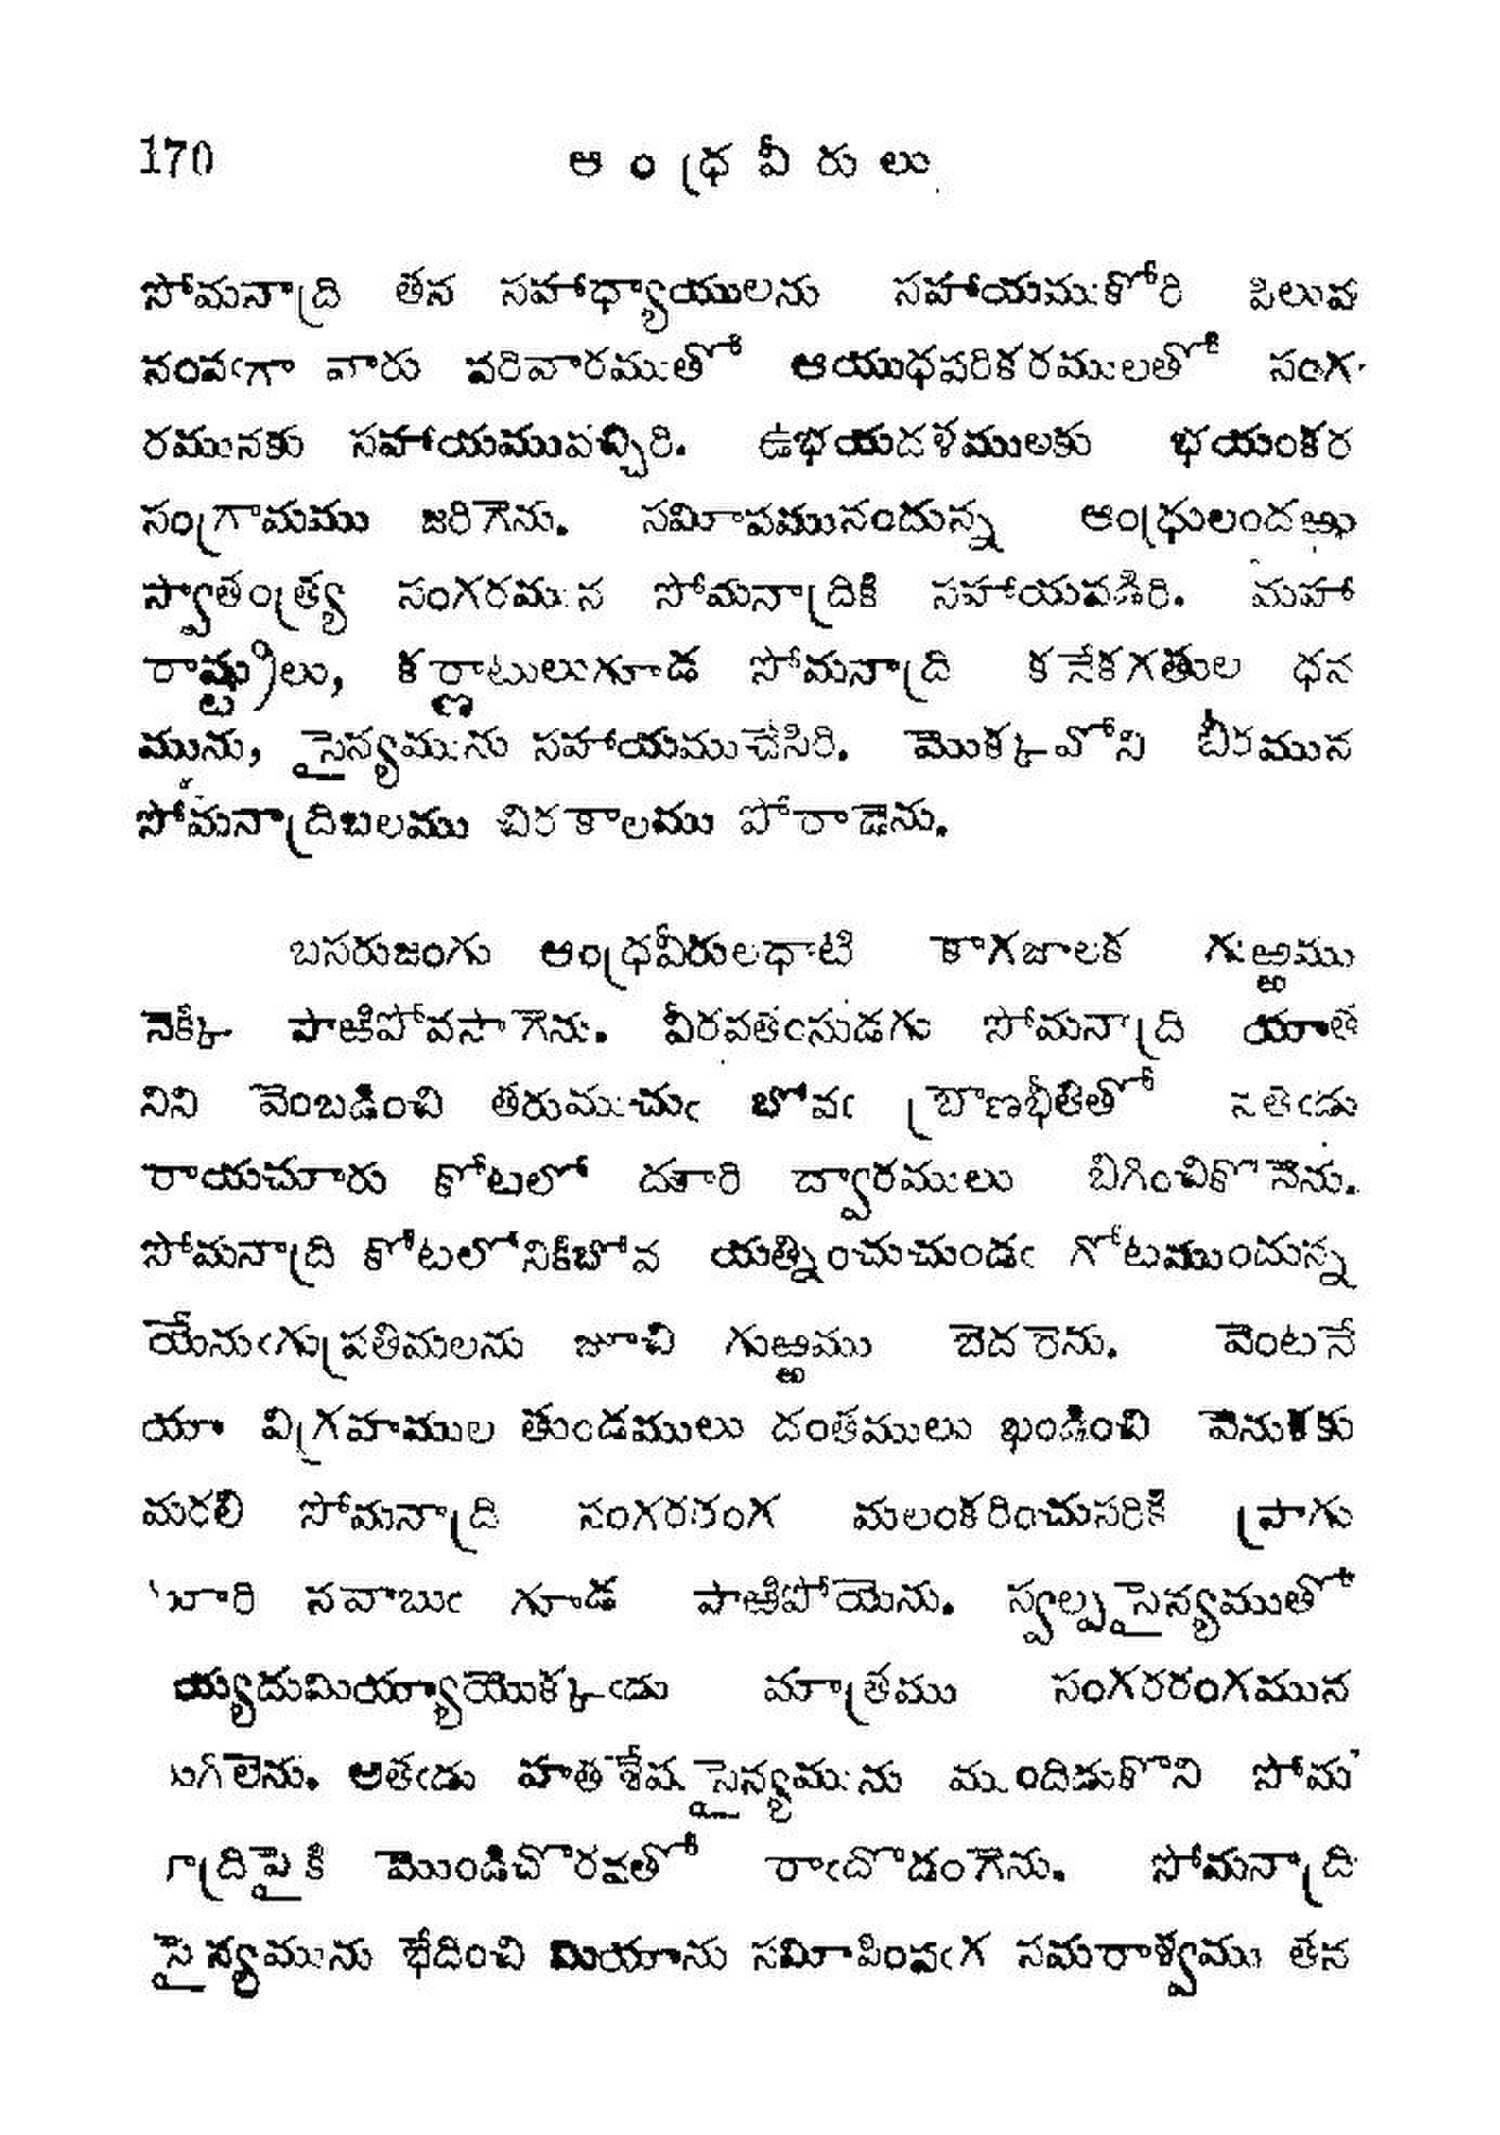సోమనాద్రి తన సహాధ్యాయులను సహాయముకోరి పిలువనంపగా వారు పరివారముతో ఆయుధపరికరములతో సంగరమునకు సహాయమువచ్చిరి. ఉభయదళములకు భయంకర సంగ్రామము జరిగెను. సమీపమునందున్న ఆంధ్రులందఱు స్వాతంత్ర్య సంగరమున సోమనాద్రికి సహాయపడిరి. మహారాష్ట్రులు, కర్ణాటులుగూడ సోమనాద్రి కనేకగతుల ధనమును, సైన్యమును సహాయముచేసిరి. మొక్కవోని బీరమున సోమనాద్రిబలము చిరకాలము పోరాడెను.

బసరుజంగు ఆంధ్రవీరులధాటి కాగజాలక గుఱ్ఱము నెక్కి పాఱిపోవసాగెను. వీరవతంసుడగు సోమనాద్రి యాతనిని వెంబడించి తరుముచు బోవ బ్రాణభీతితో నతడు రాయచూరు కోటలో దూరి ద్వారములు బిగించికొనెను. సోమనాద్రి కోటలోనికిబోవ యత్నించుచుండ గోటముందున్న యేనుగుప్రతిమలను జూచి గుఱ్ఱము బెదరెను. వెంటనే యా విగ్రహముల తుండములు దంతములు ఖండించి వెనుకకు మరలి సోమనాద్రి సంగరరంగ మలంకరించుసరికి ప్రాగుటూరి నవాబు గూడ పాఱిపోయెను. స్వల్పసైన్యముతో సయ్యదుమియ్యాయొక్కడు మాత్రము సంగరరంగమున మిగిలెను. ఆతడు హతశేషసైన్యమును ముందిడుకొని సోమనాద్రిపైకి మొండిచొరవతో రాదొడంగెను. సోమనాద్రి సైన్యమును భేధించి మియాను సమీపింపగ సమరాశ్వము తన